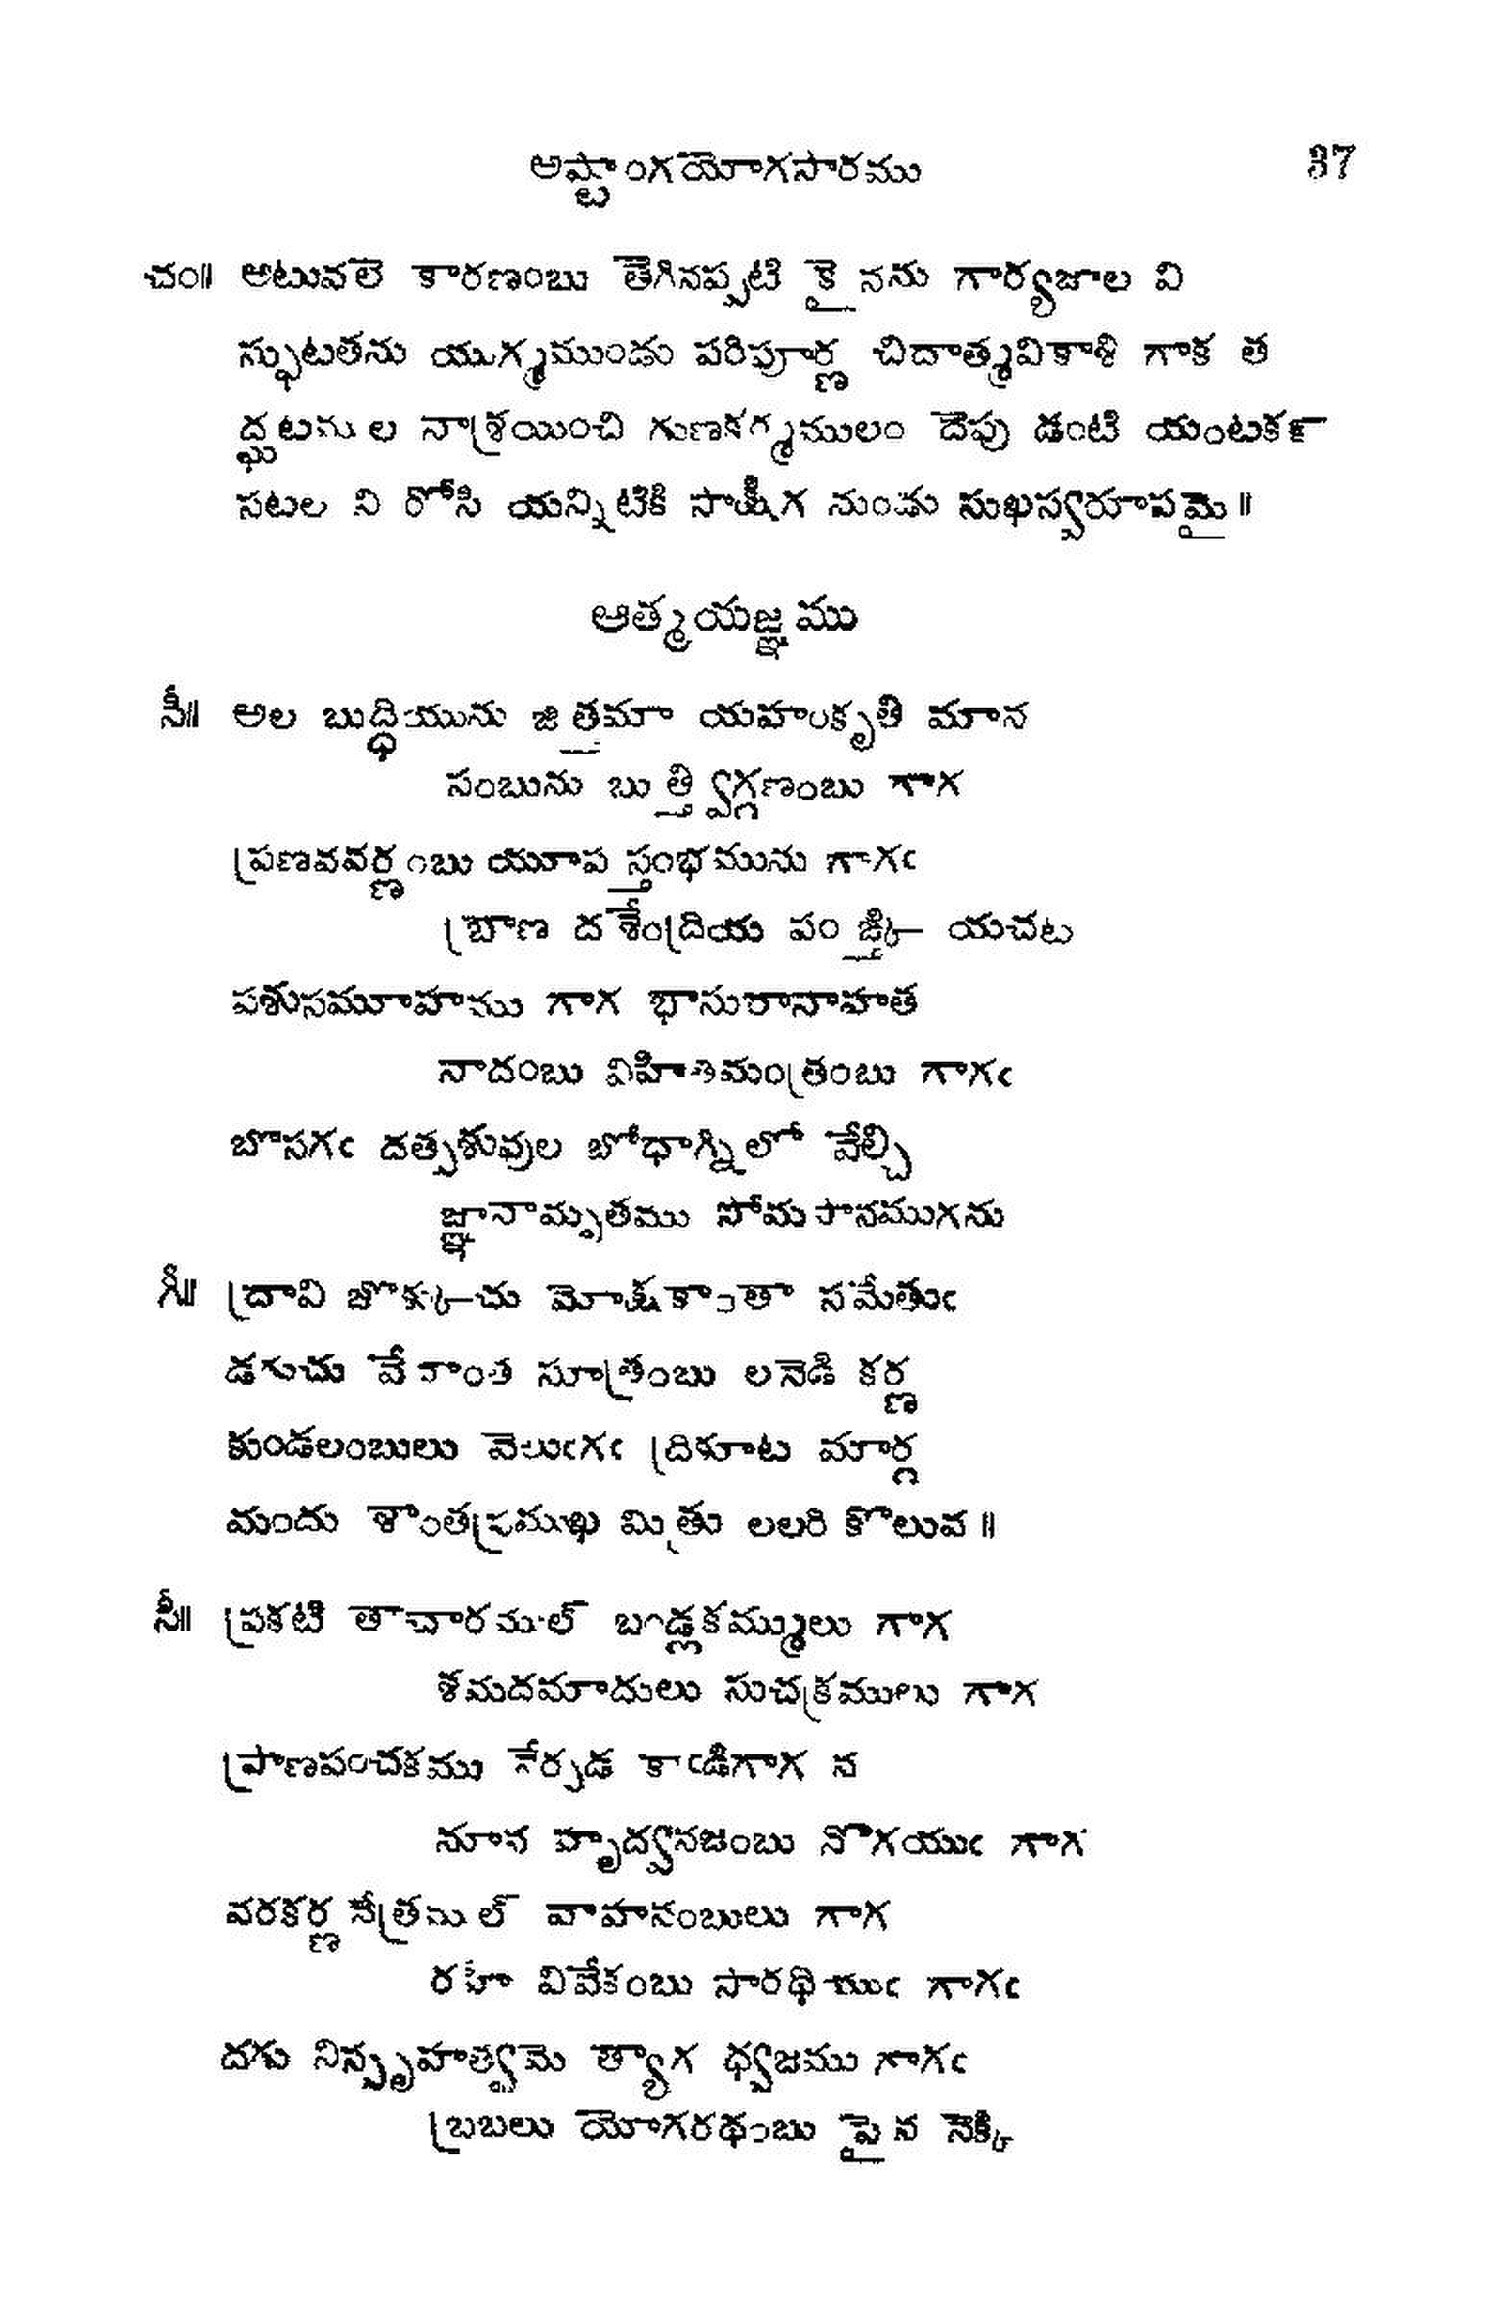చ. అటువలె కారణంబు తెగినప్పటి కైనను గార్యజాలవి
 స్ఫుటతను యుగ్మముండు పరిపూర్ణచిదాత్మవికాశి గాక త
 ద్ఘటముల నాశ్రయించి గుణకర్మములం దెపు డంటి యంటకన్
 సటల ని రోసి యన్నిటికి సాక్షిగ నుండు సుఖస్వరూపమై.

సీ. అల బుద్ధియును జిత్తమా యహంకృతి మాన
 సంబును బుత్త్విగ్గణంబు గాగ
 ప్రణవవర్ణంబు యూపస్తంభమును గాగఁ
 బ్రాణదశేంద్రి పంజ్క్తి యచట
 పశుసమూహము గాగ భాసురానాహత
 నాదంబు విహితమంత్రంబు గాగఁ
 బొసగఁ దత్పశువుల బోధాగ్నిలో వేల్చి
 జ్ఞానామృతము సోమపానముగను
గీ. ద్రావి జొక్కుచు మోక్షకాంతాసమేతుఁ
 డగుచు వేదాంతసూత్రంబు లనెడి కర్ల
 కుండలంబులు వెలుఁగఁ ద్రికూటమార్గ
 మందు శాంతప్రముఖమిత్రు లలరి కొలువ.
సీ. ప్రకటితాచారముల్ బండ్లకమ్ములు గాగ
 శమదమాదులు సుచక్రములు గాగ
 ప్రాణపంచకము నేర్పడ కాడిగాగ న
 నూనహృద్వనజంబు నొగయుఁ గాగ
 వరకర్ణనేత్రముల్ వాహనంబులు గాగ
 రహి వివేకంబు సారథియుఁ గాగఁ
 దగు నిస్పృహత్వమె త్యాగధ్వజము గాగఁ
 బ్రబలు యోగరథంబు పైన నెక్కి